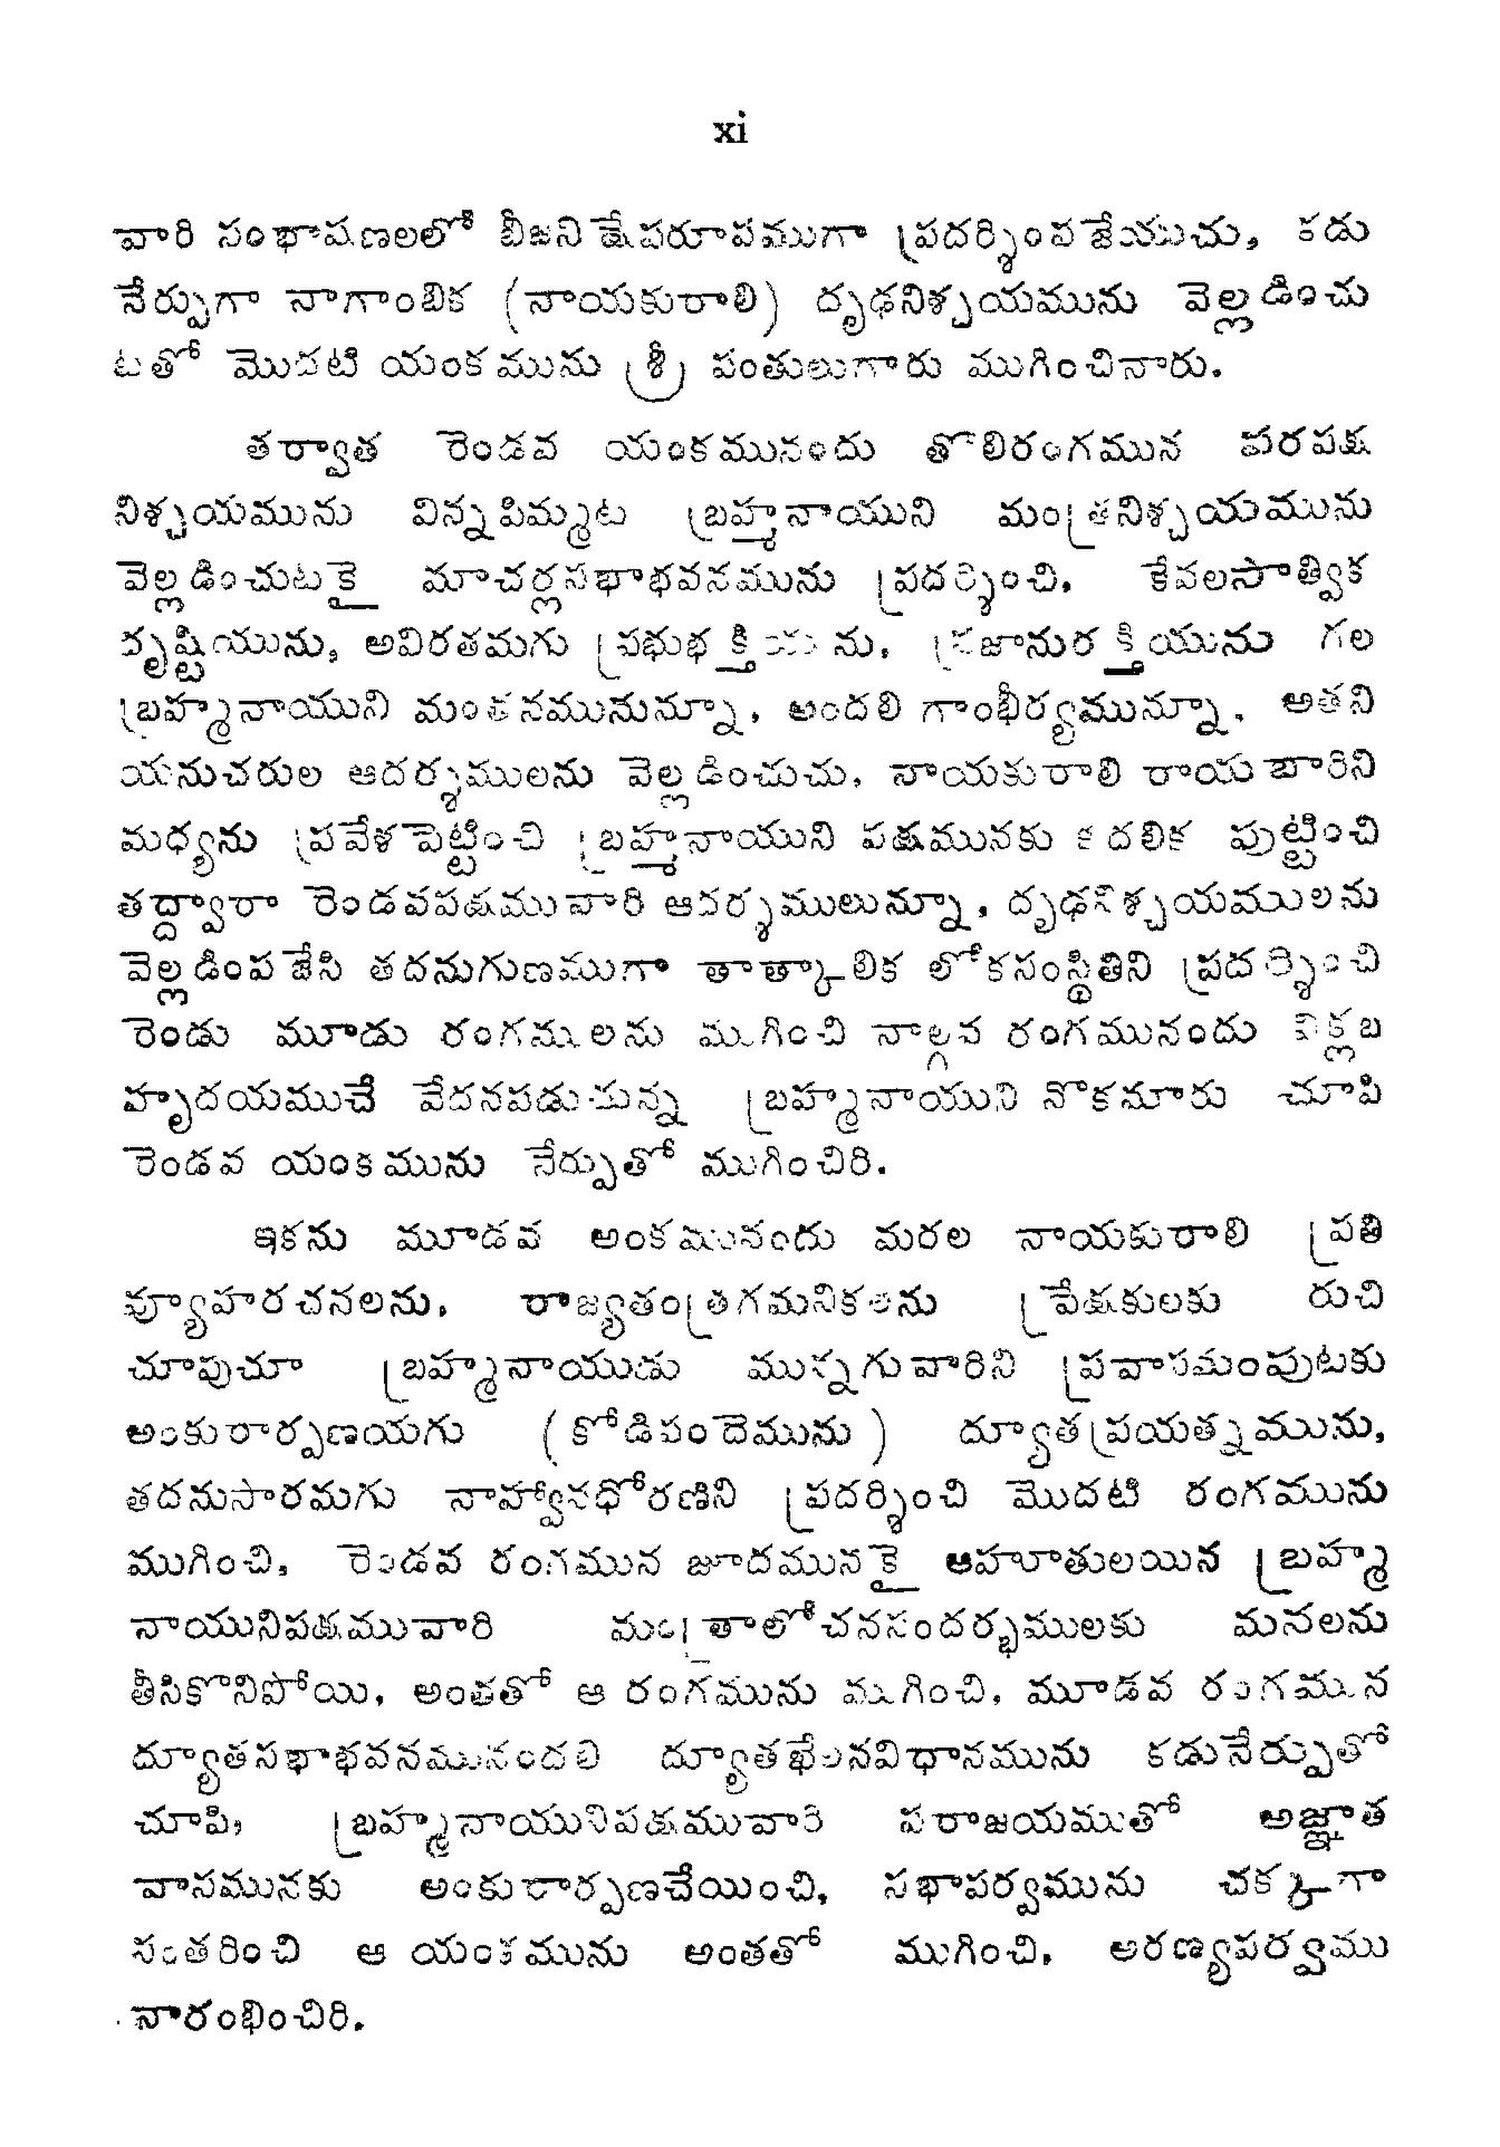వారి సంభాషణలలో బీజనిక్షేపరూపముగా ప్రదర్శింపజేయుచు, కడునేర్పుగా నాగాంబిక (నాయకురాలి) దృఢనిశ్చయమును వెల్లడించుటతో మొదటి యంకమును శ్రీ పంతులుగారు ముగించినారు.

తర్వాత రెండవ యంకమునందు తొలిరంగమున పరపక్ష నిశ్చయమును విన్నపిమ్మట బ్రహ్మనాయుని మంత్రినిశ్చయమును వెల్లడించుటకై మాచర్లసభాభవనమును ప్రదర్శించి, కేవలసాత్విక దృష్టియును, అవిరతమగు ప్రభుభక్తియును. జానురక్తియును గల బ్రహ్మనాయుని మంతనమునున్నూ, అందలి గాంభీర్యమున్నూ, అతని యనుచరుల ఆదర్శములను వెల్లడించుచు, నాయకురాలి రాయబారిని
మధ్యను ప్రవేశపెట్టించి బ్రహ్మనాయుని పక్షమునకు కదలిక పుట్టించి తద్ద్వారా రెండవపక్షమువారి ఆదర్శములున్నూ , దృఢనిశ్చయములను వెల్లడింపజేసి తదనుగుణముగా తాత్కాలిక లోకసంస్థితిని ప్రదర్శించి రెండు మూడు రంగములను ముగించి నాల్గవ రంగమునందు విక్లబ హృదయముచే వేదనపడుచున్న బ్రహ్మనాయుని నొకమారు చూపి రెండవ యంకమును నేర్పుతో ముగించిరి.

ఇకను మూడవ అంకమునందు మరల నాయకురాలి ప్రతివ్యూహరచనలను, రాజ్యతంత్రగమనిక లను ప్రేక్షకులకు రుచి చూపుచూ బ్రహ్మనాయుడు మున్నగువారిని ప్రవాసమంపుటకు
అంకురార్పణయగు (కోడిపందెమును ) ద్యూతప్రయత్నమును, తదనుసారమగు నాహ్వానధోరణిని ప్రదర్శించి మొదటి రంగమును ముగించి, రెండవ రంగమున జూదమునకై ఆహూతులయిన బ్రహ్మనాయునిపక్షమువారి మంత్రాలోచనసందర్భములకు మనలను తీసికొనిపోయి, అంతతో ఆ రంగమును ముగించి, మూడవ రంగమున ద్యూతసభాభవనమునందలి ద్యూతఖేలనవిధానమును కడునేర్పుతో చూపి, బ్రహ్మనాయునిపక్షమువారి పరాజయముతో అజ్ఞాత వాసమునకు అంకురార్పణ చేయించి, సభాపర్వమును చక్కగా సంతరించి ఆ యంకమును అంతతో ముగించి, అరణ్యపర్వము
నారంభించిరి.